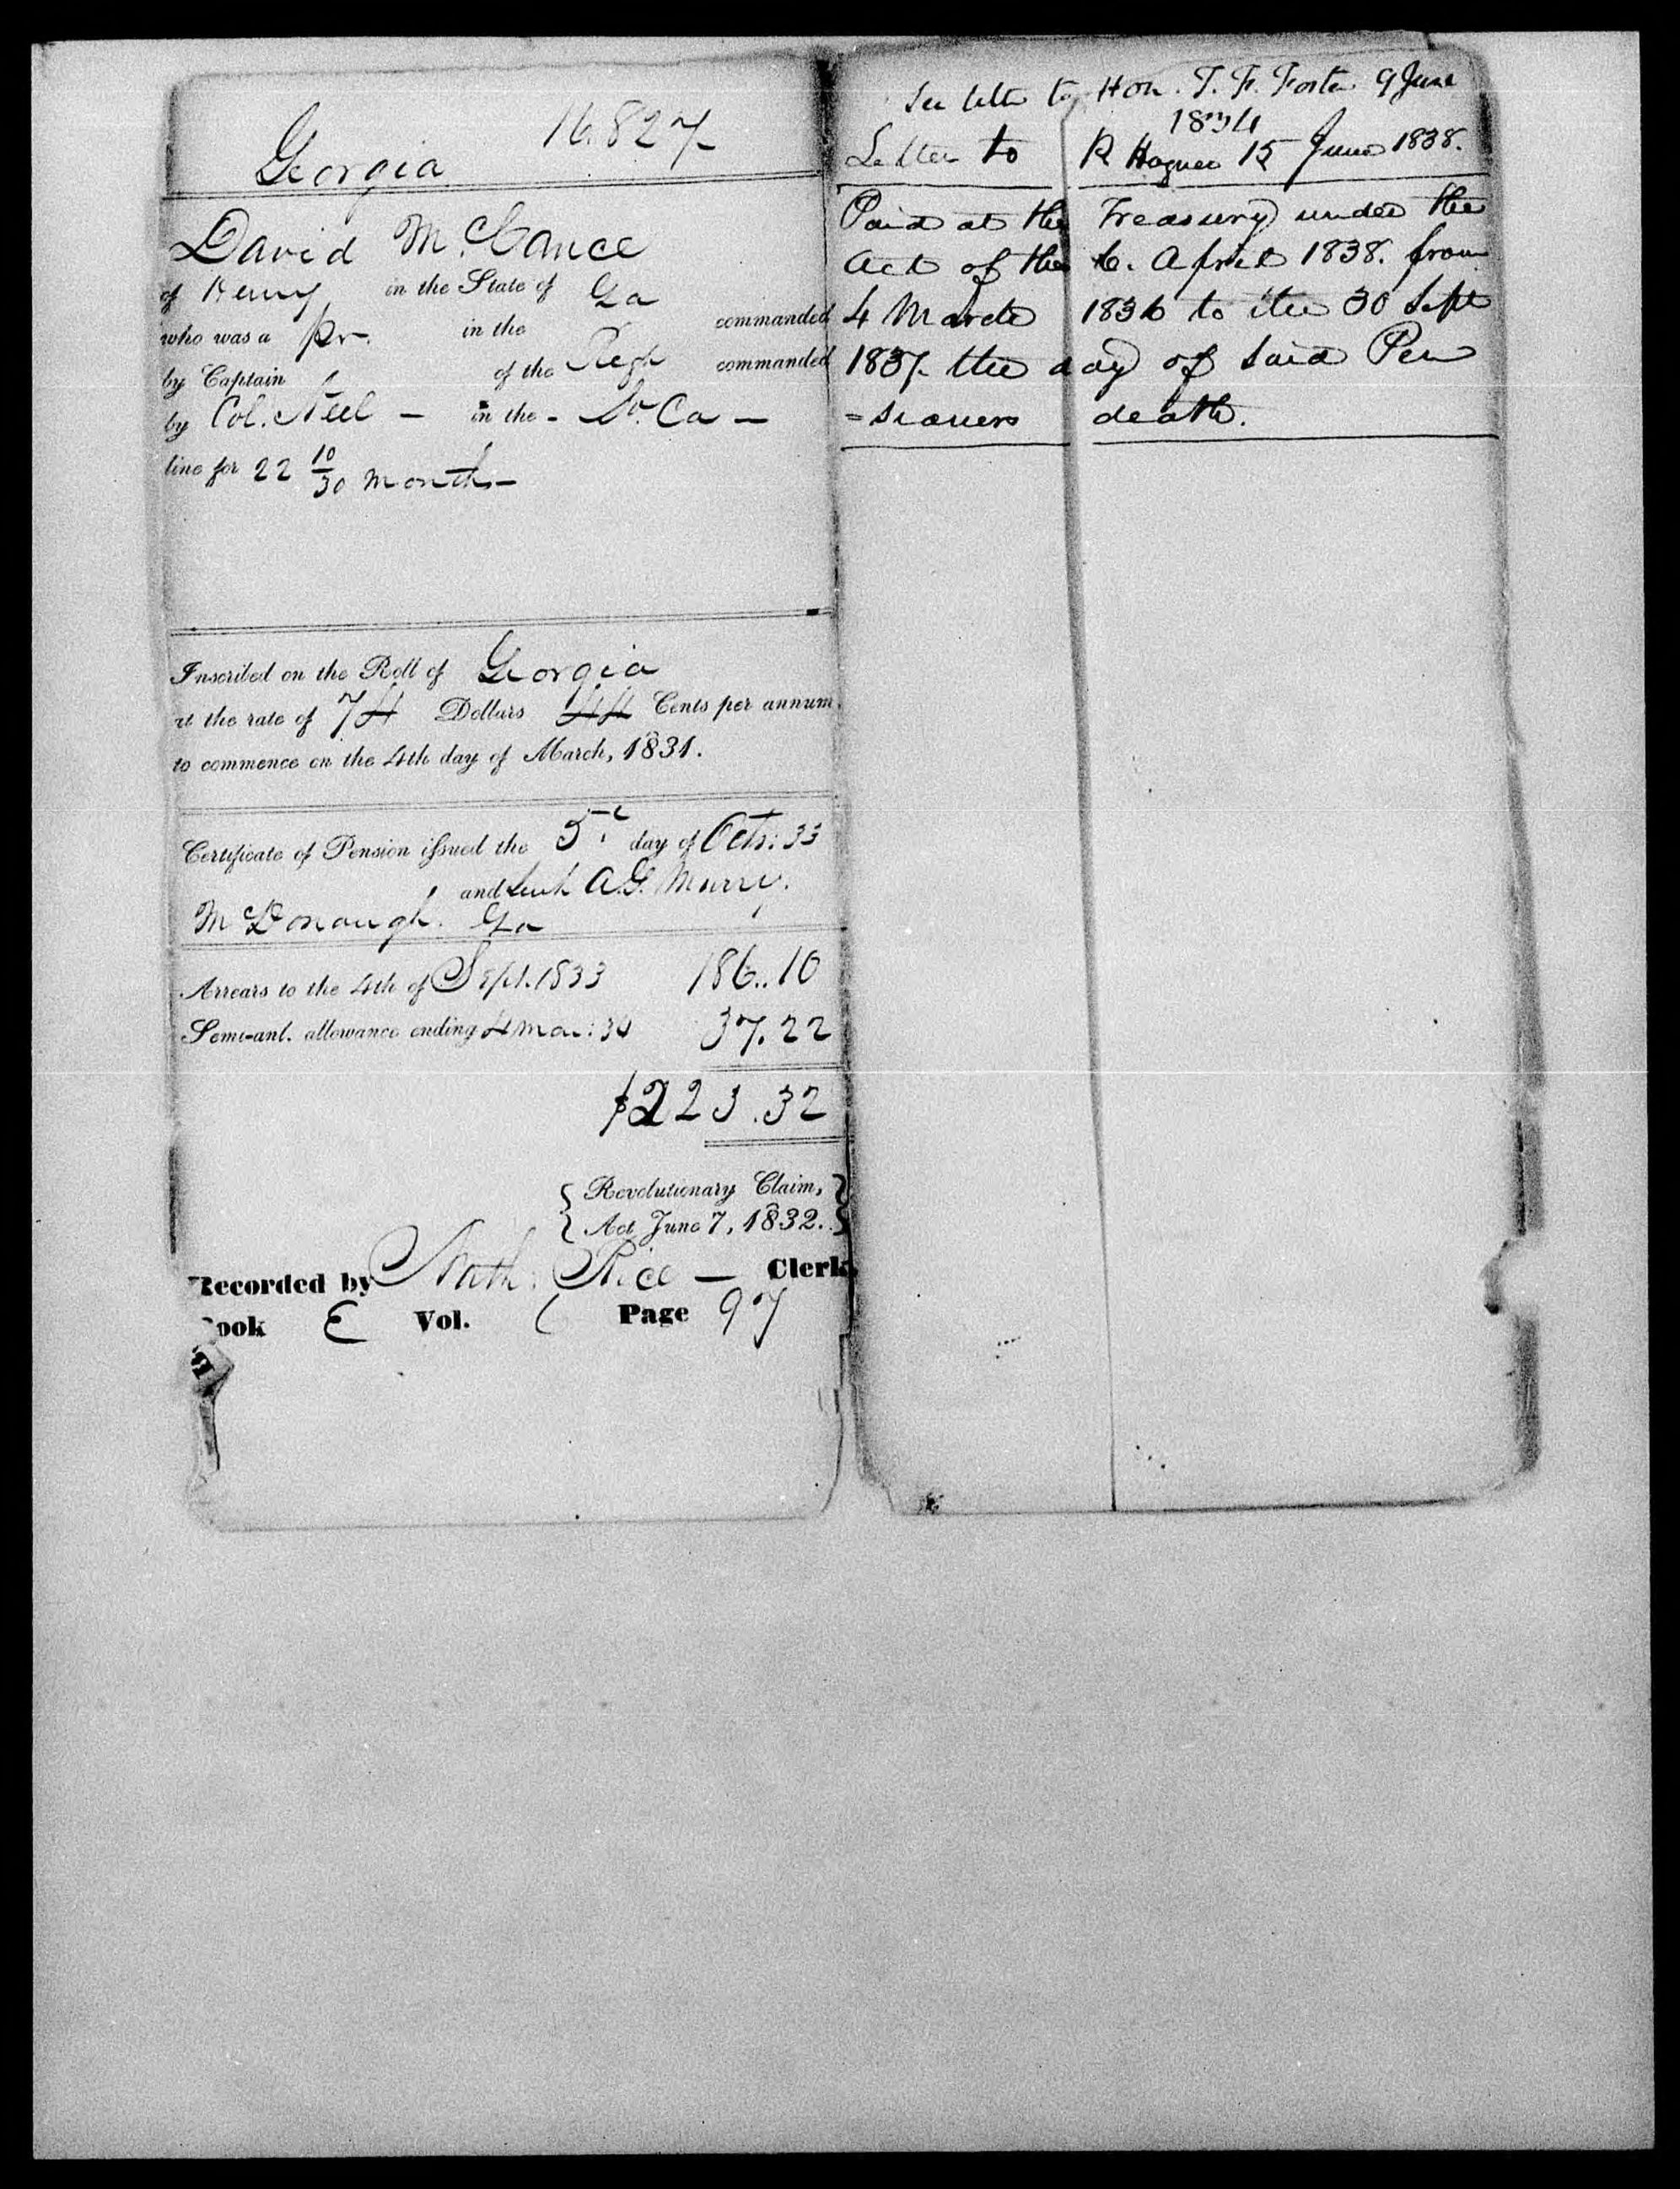Georgia 16,827
David McCance
of Henry in the State of Ga
who was a pr in the commanded
by Captain of the Reg commanded
by Col Neel in the So Ca
line for 22 10/30 months
Inscribed on the Roll of Georgia
at the rate of 74 Dollars 44 Cents per annum
to commence on the 4th day of March, 1831
Certificate of Pension issued the 5 day of Oct. 33
and Lieut [?] A.G. Murry
McDonough Ga
Arrears to the 4th of Sept 1833 186. 10
Semi-ant. allowance ending 4 Mar:34 37.22
$223.32 
{Revolutionary Claim,
Act June 7, 1832.}
Recorded by Nath Rice - Clerk
Book E Vol. 6 Page 97
Letter to Hon. T. F. Foster 9 June 1834
Letter to P Hagner 15 June 1838.
Paid at the Treasury under the
act of the
commanded 4 March
1837 the C. April 1838 from
4 March 1836 to the 30 Sept
1837 the day of said Pensioners
death.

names: T F Foster; A G Murry Mc Donaugh; Nath Rice; P Hagner; [BLANK] Neel; David Mc Cance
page: 3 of 13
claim: survivor's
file: S. 16464, for David Mc Cance, South Carolina